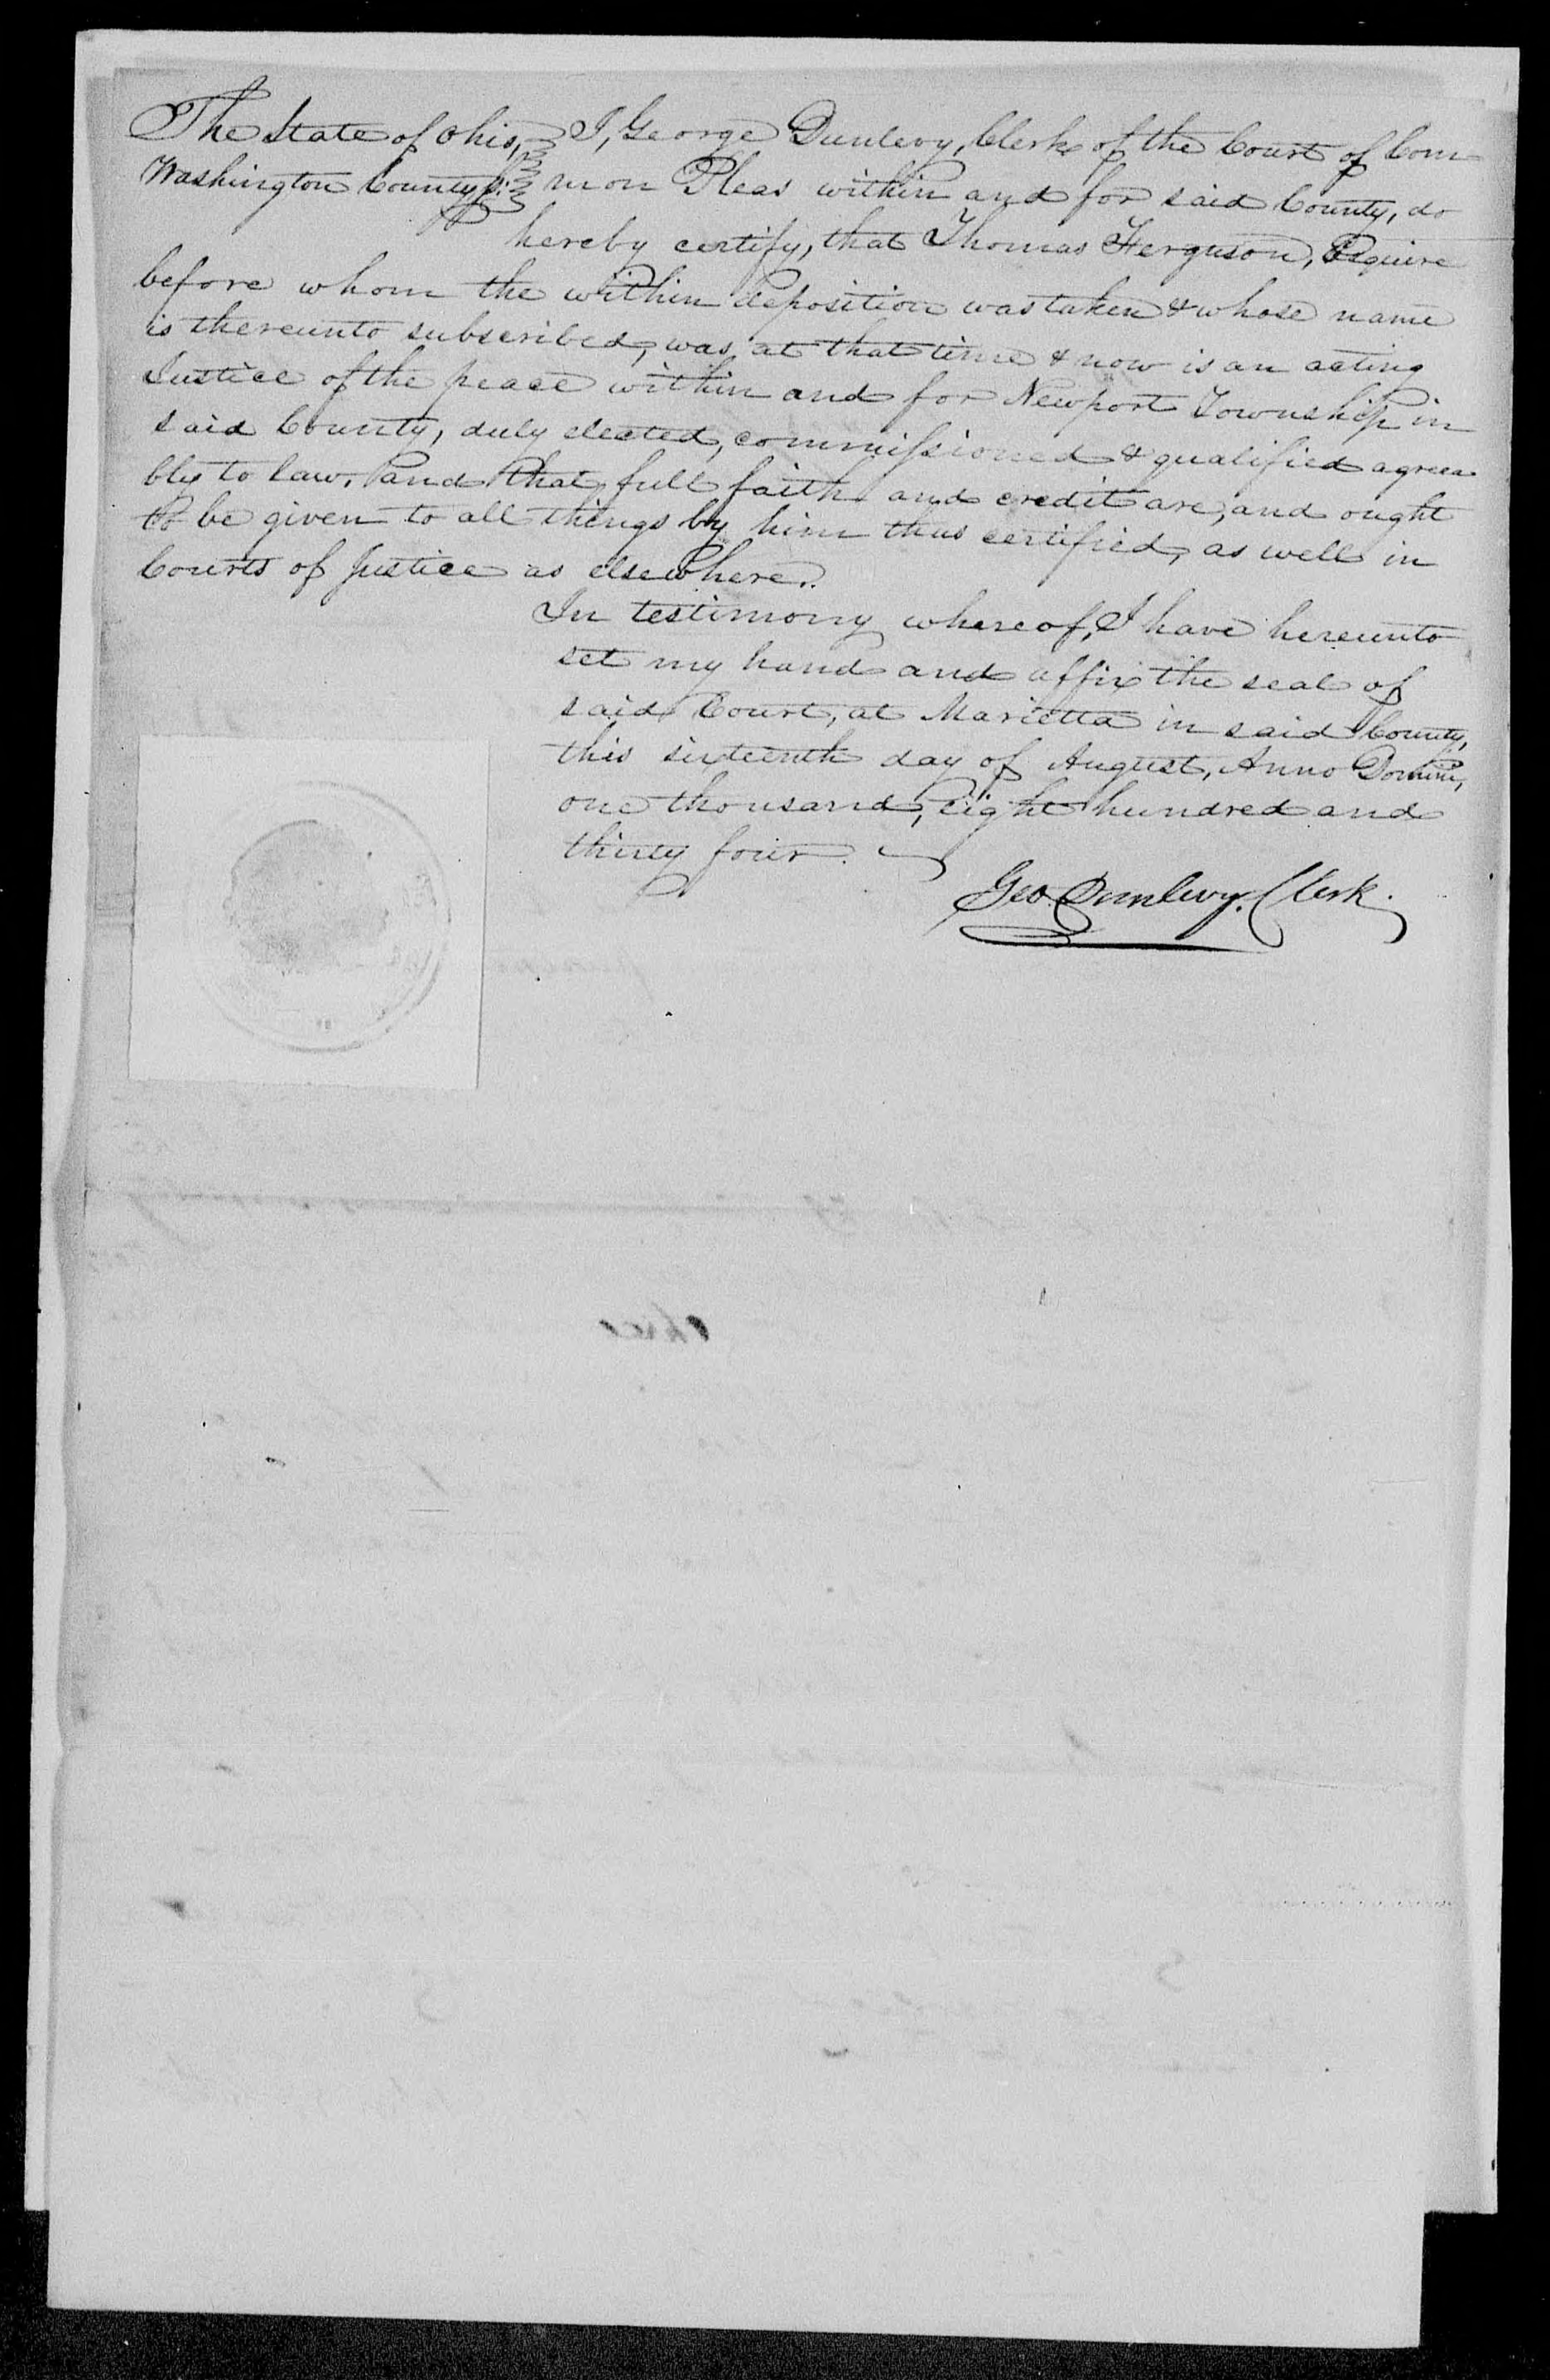The State of Ohio
Washington County }
I, George Dunlevy, Clerk of the Court of Common Pleas within and for said County, do hereby certify that Thomas Ferguson, Esquire before whom the within deposition was taken & whose name is thereunto subscribed was at the time & now is an acting Justice of the Peace within and for Newport Township in said County, duly elected, commissioned & qualified agreeable to law, and that full faith and credit are and ought to be given to all things by him thus certified as well in Courts of Justice as elsewhere.  
In testimony whereof, I have hereunto set my hand and affixed the seal of said Court at Marietta in said County this sixteenth day of August, Anno Domini one thousand, eight hundred and thirty four.
Geo. Dunlevy, Clerk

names: George Dunlevy, Geo Dunlevy, Thomas Ferguson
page: 14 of 35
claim: rejected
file: R. 2066, William Clutter, New Jersey